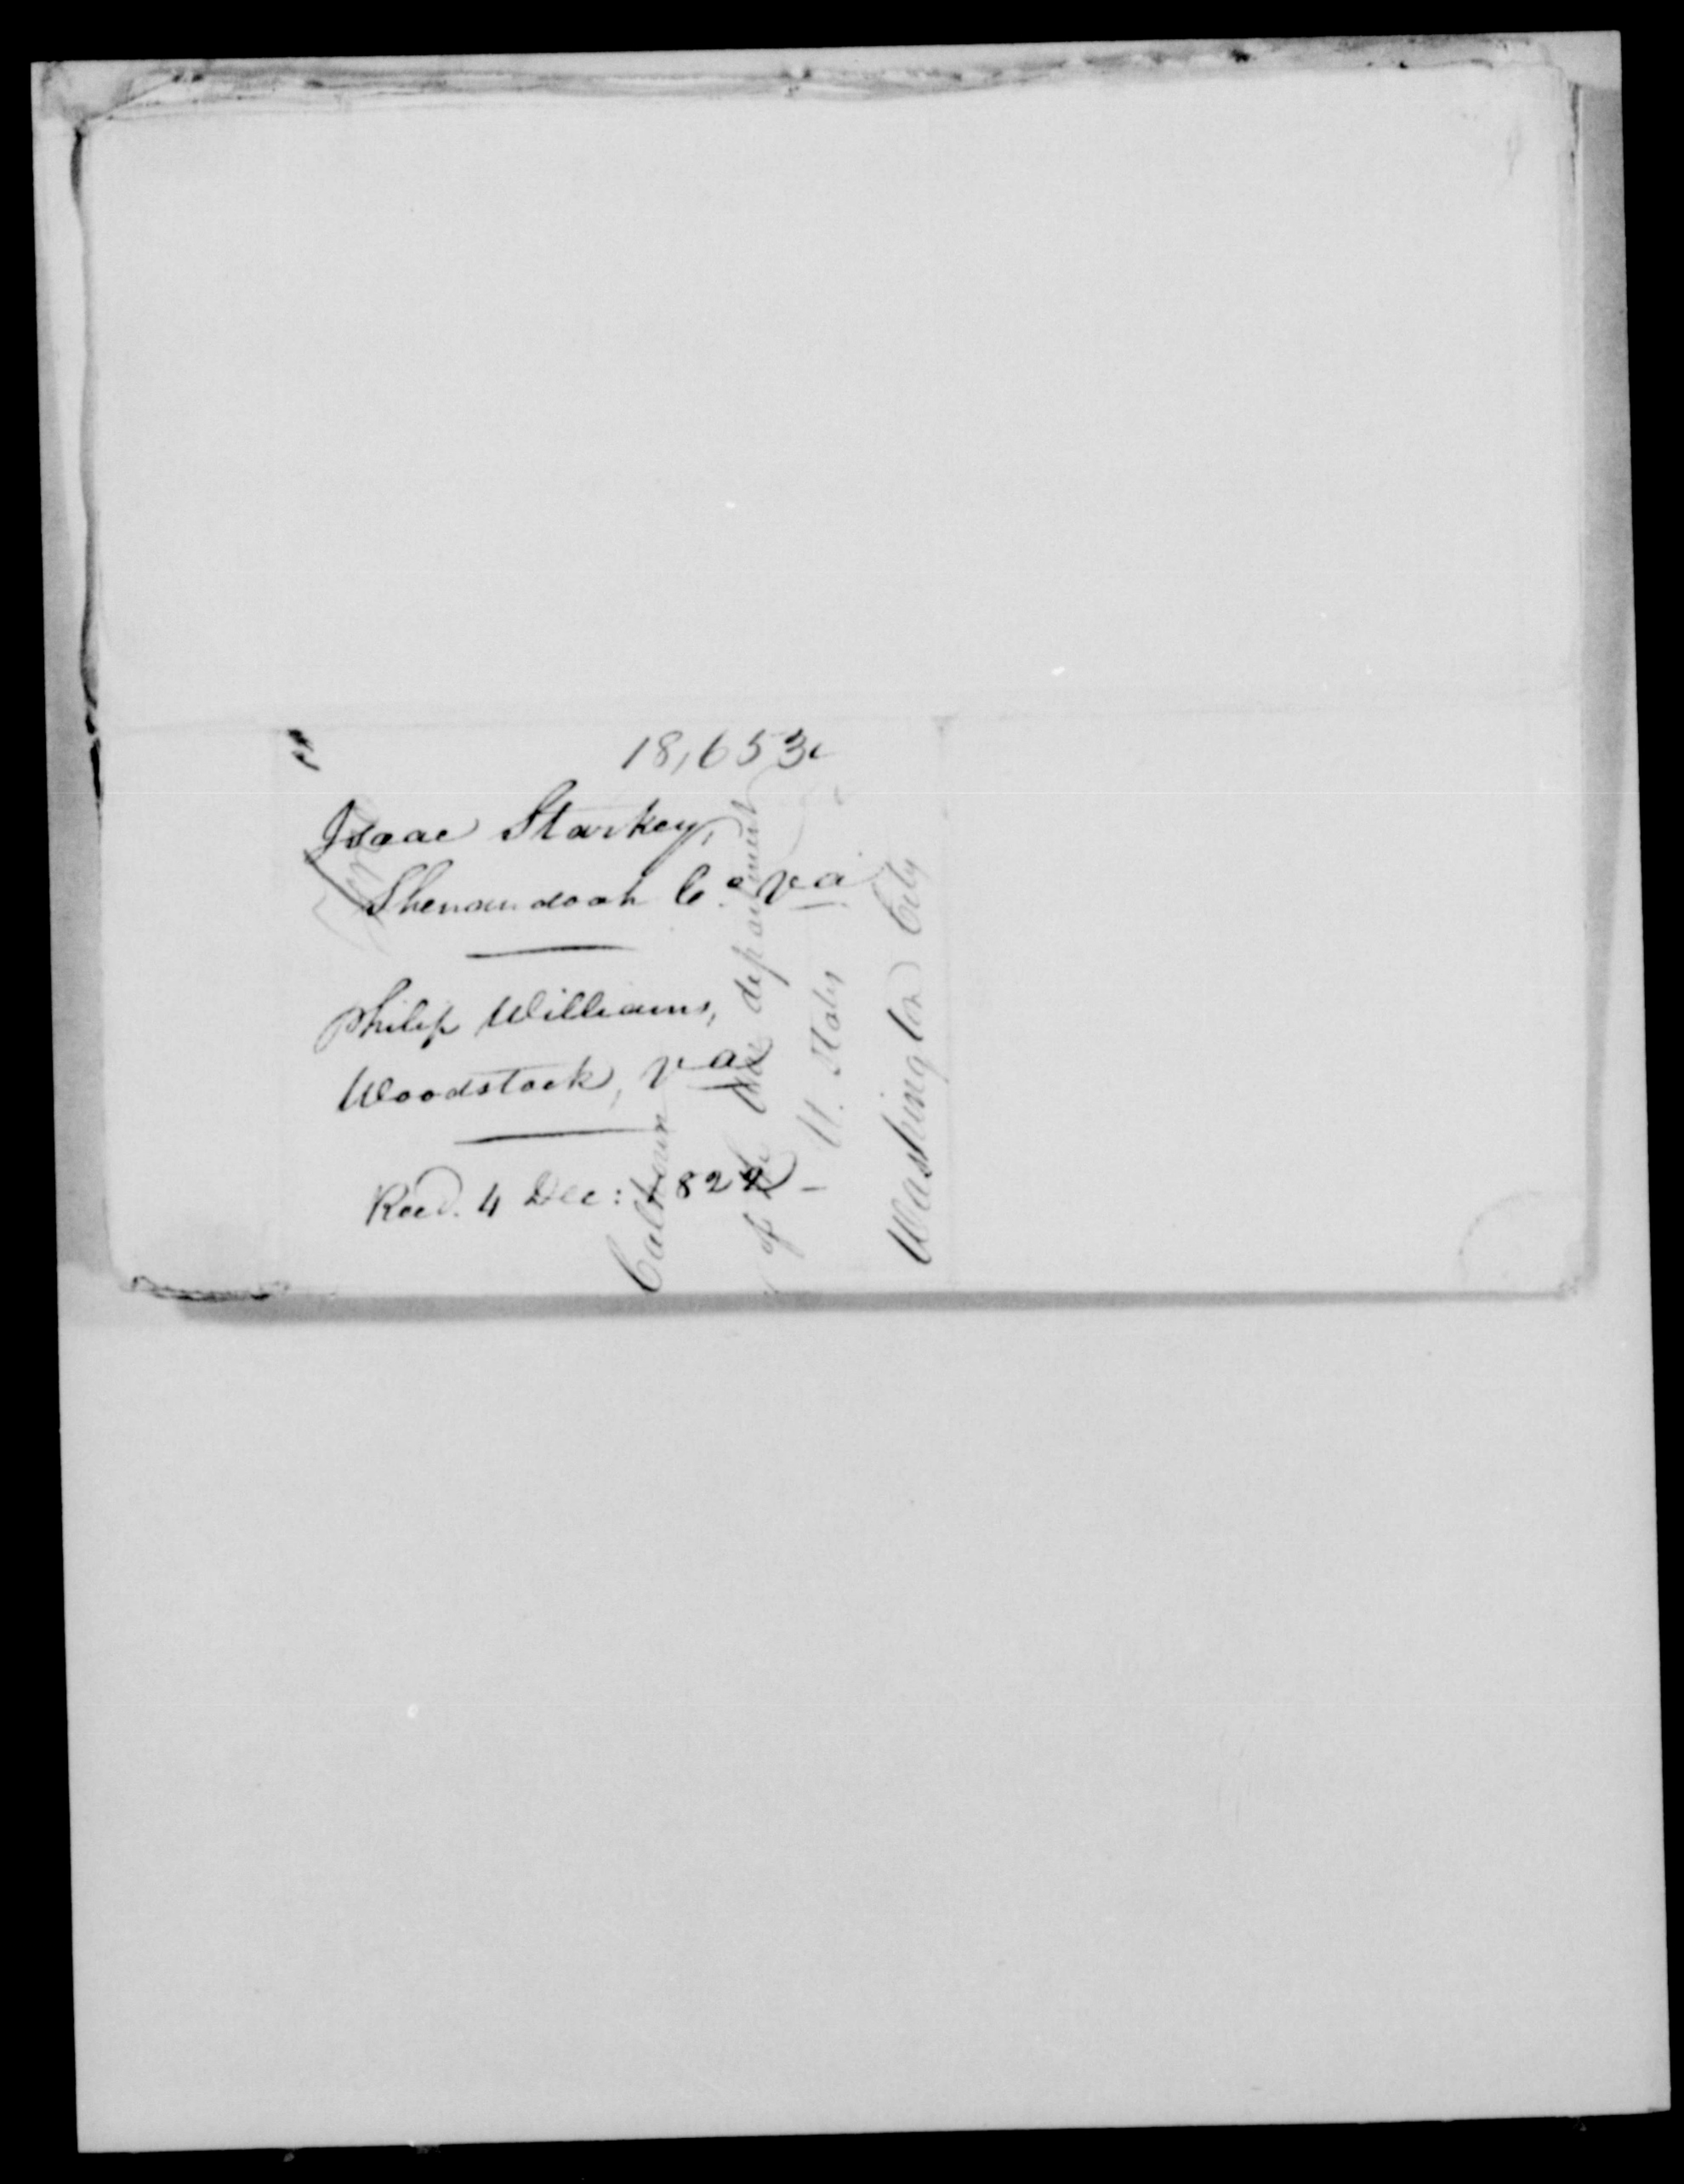18.633
Isaac Starkey
Shenandoah County, Va
Philip Williams, Woodstock, Va.
Rec. 4 Dec. 1822.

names: Isaac Starkey; M Males; Philip Williams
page: 4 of 14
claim: survivor's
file: S 40503, for Isaac Starkey, Virginia